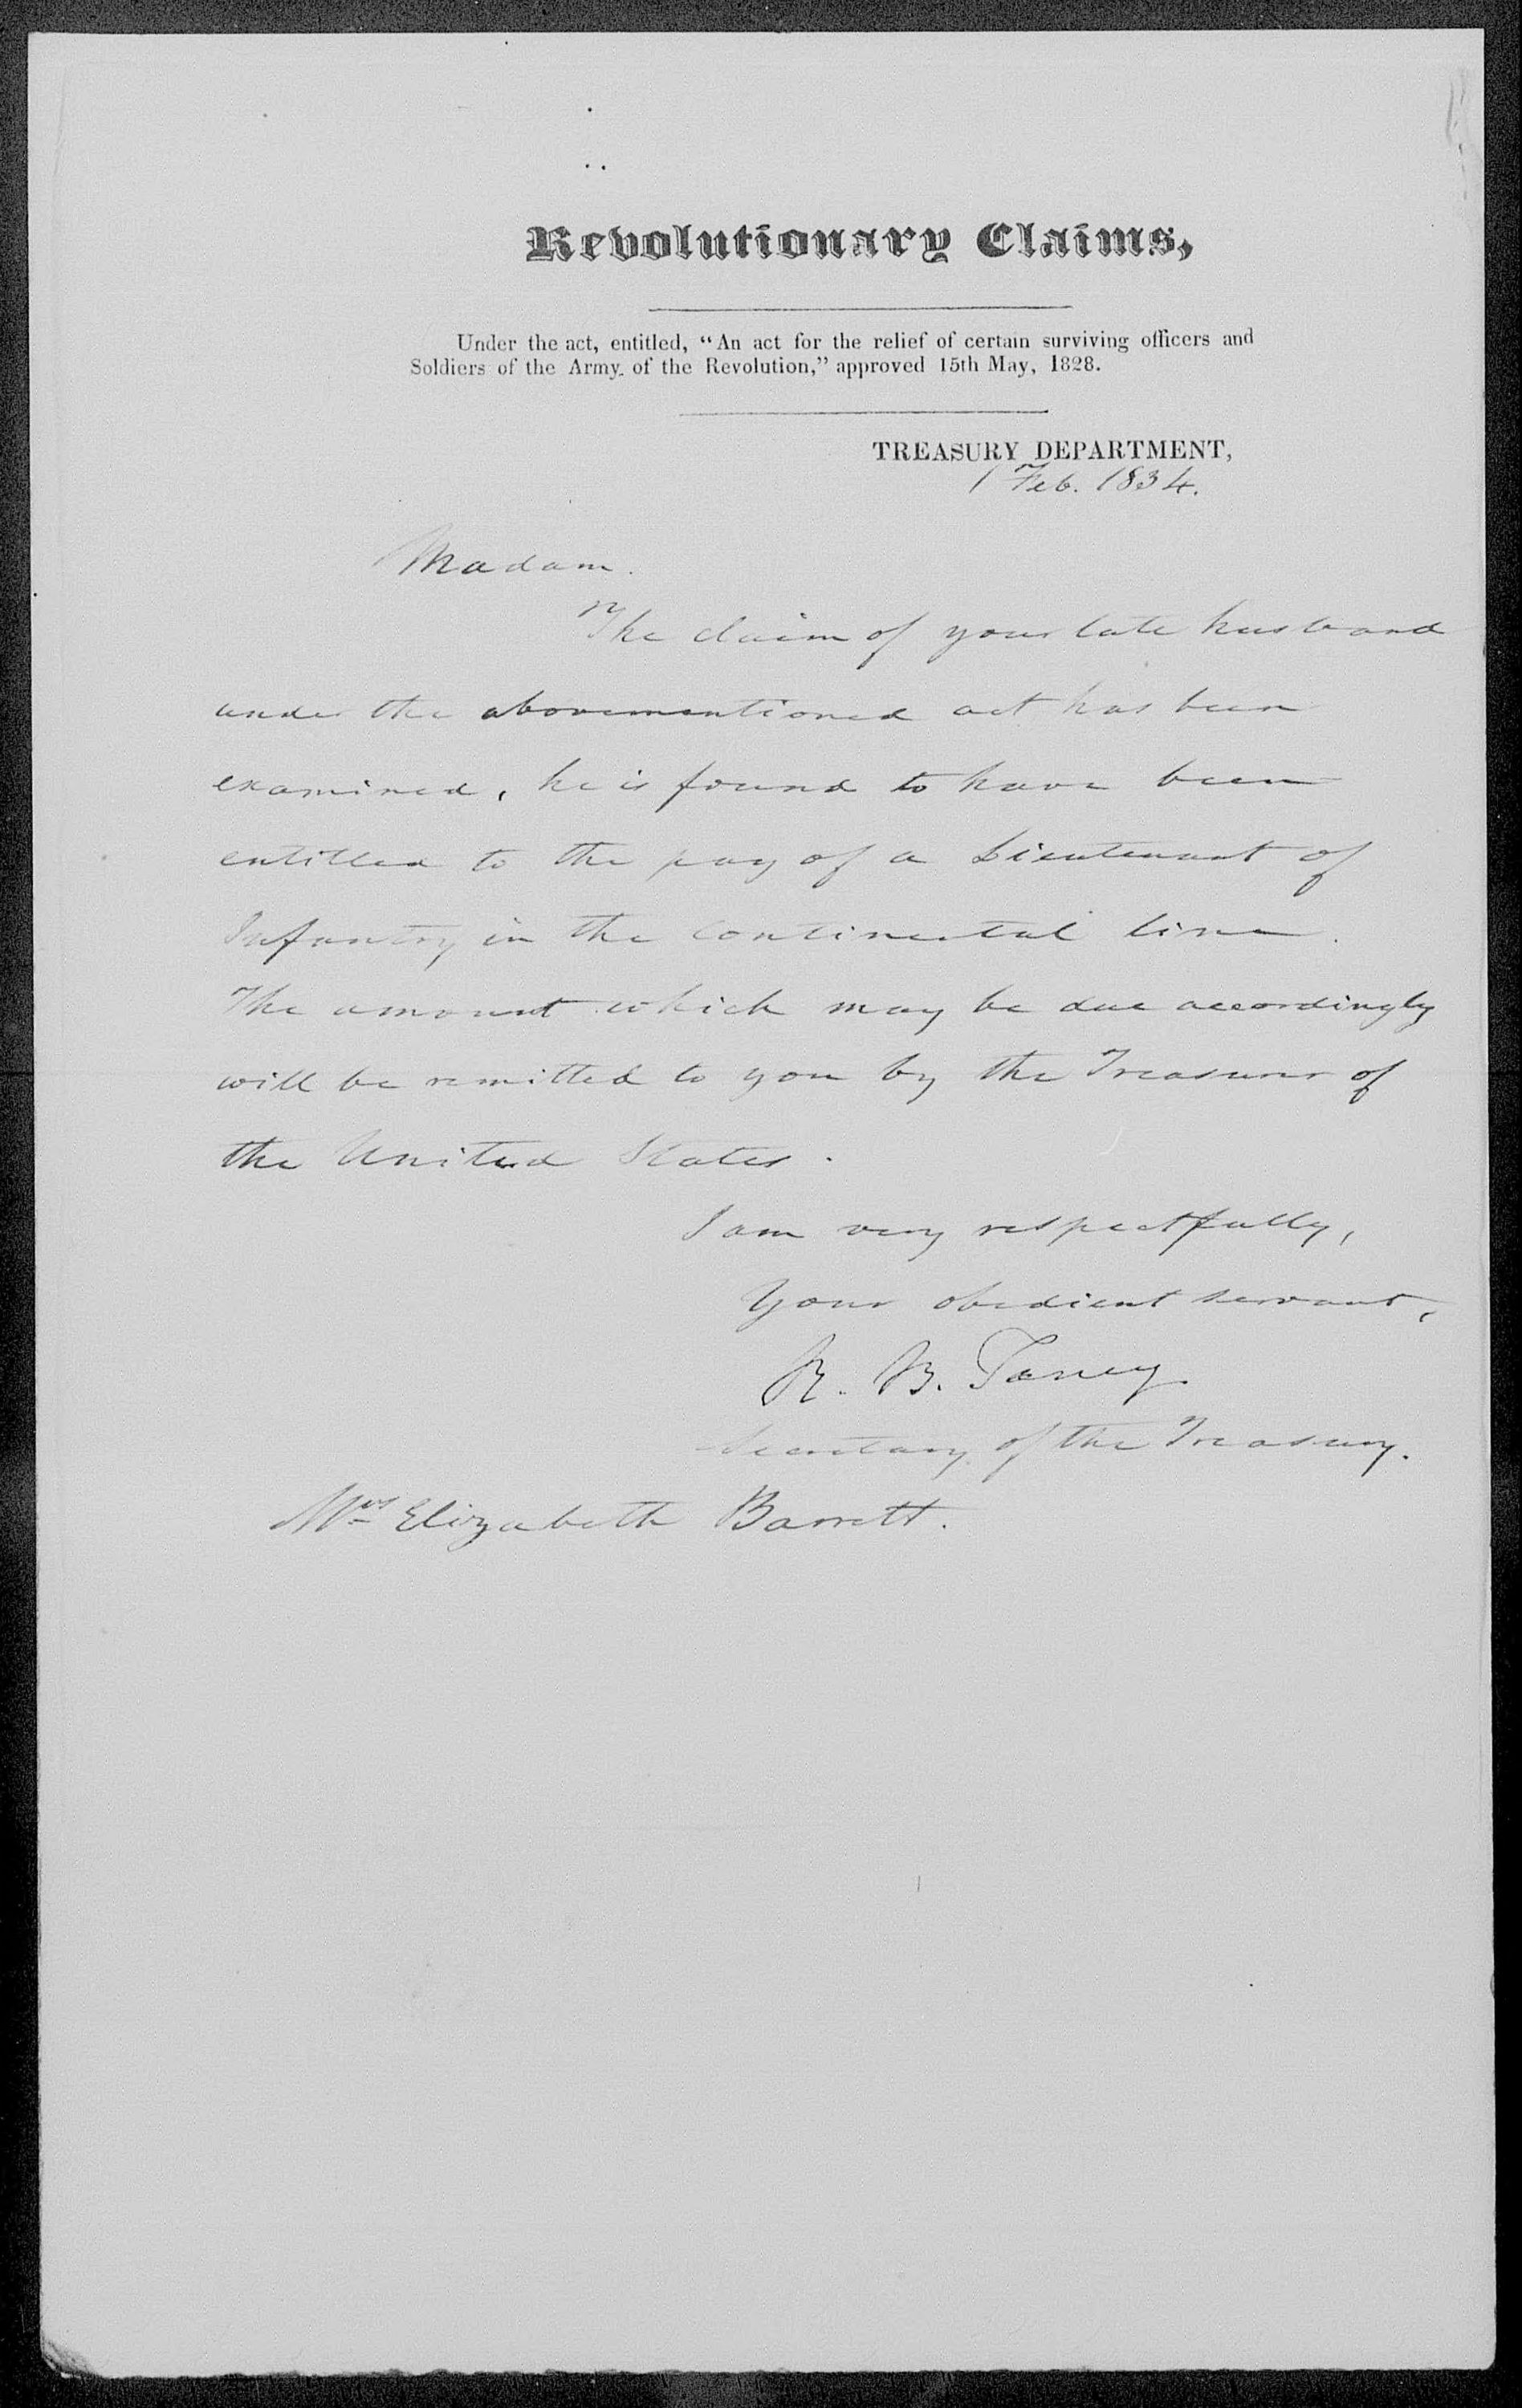Revolutionary Claims,
Under the act, entitled "An act for the relief of certain surviving officers and Soldiers of the Army of the Revolution," approved 15th May, 1828

Treasury Department 
1 Feb 1834

Madam,
The claim of your late husband under the above mentioned act has been examined, he is found to have been entitled to the pay of a Lieutenant of Infantry, in the continental line. The amount of which may be due accordingly will be remitted to you by the Treasurer of the United States. 
I am very respectfully
Your obedient servant, 
R.B. Taney 
Secretary of the Treasury 

Mrs. Elizabeth Barrett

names: R B Taney, Elizabeth Barrett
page: 48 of 83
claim: widow's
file: W. 10,384, Oliver Barrett, Continental (Vt.) N.Y.